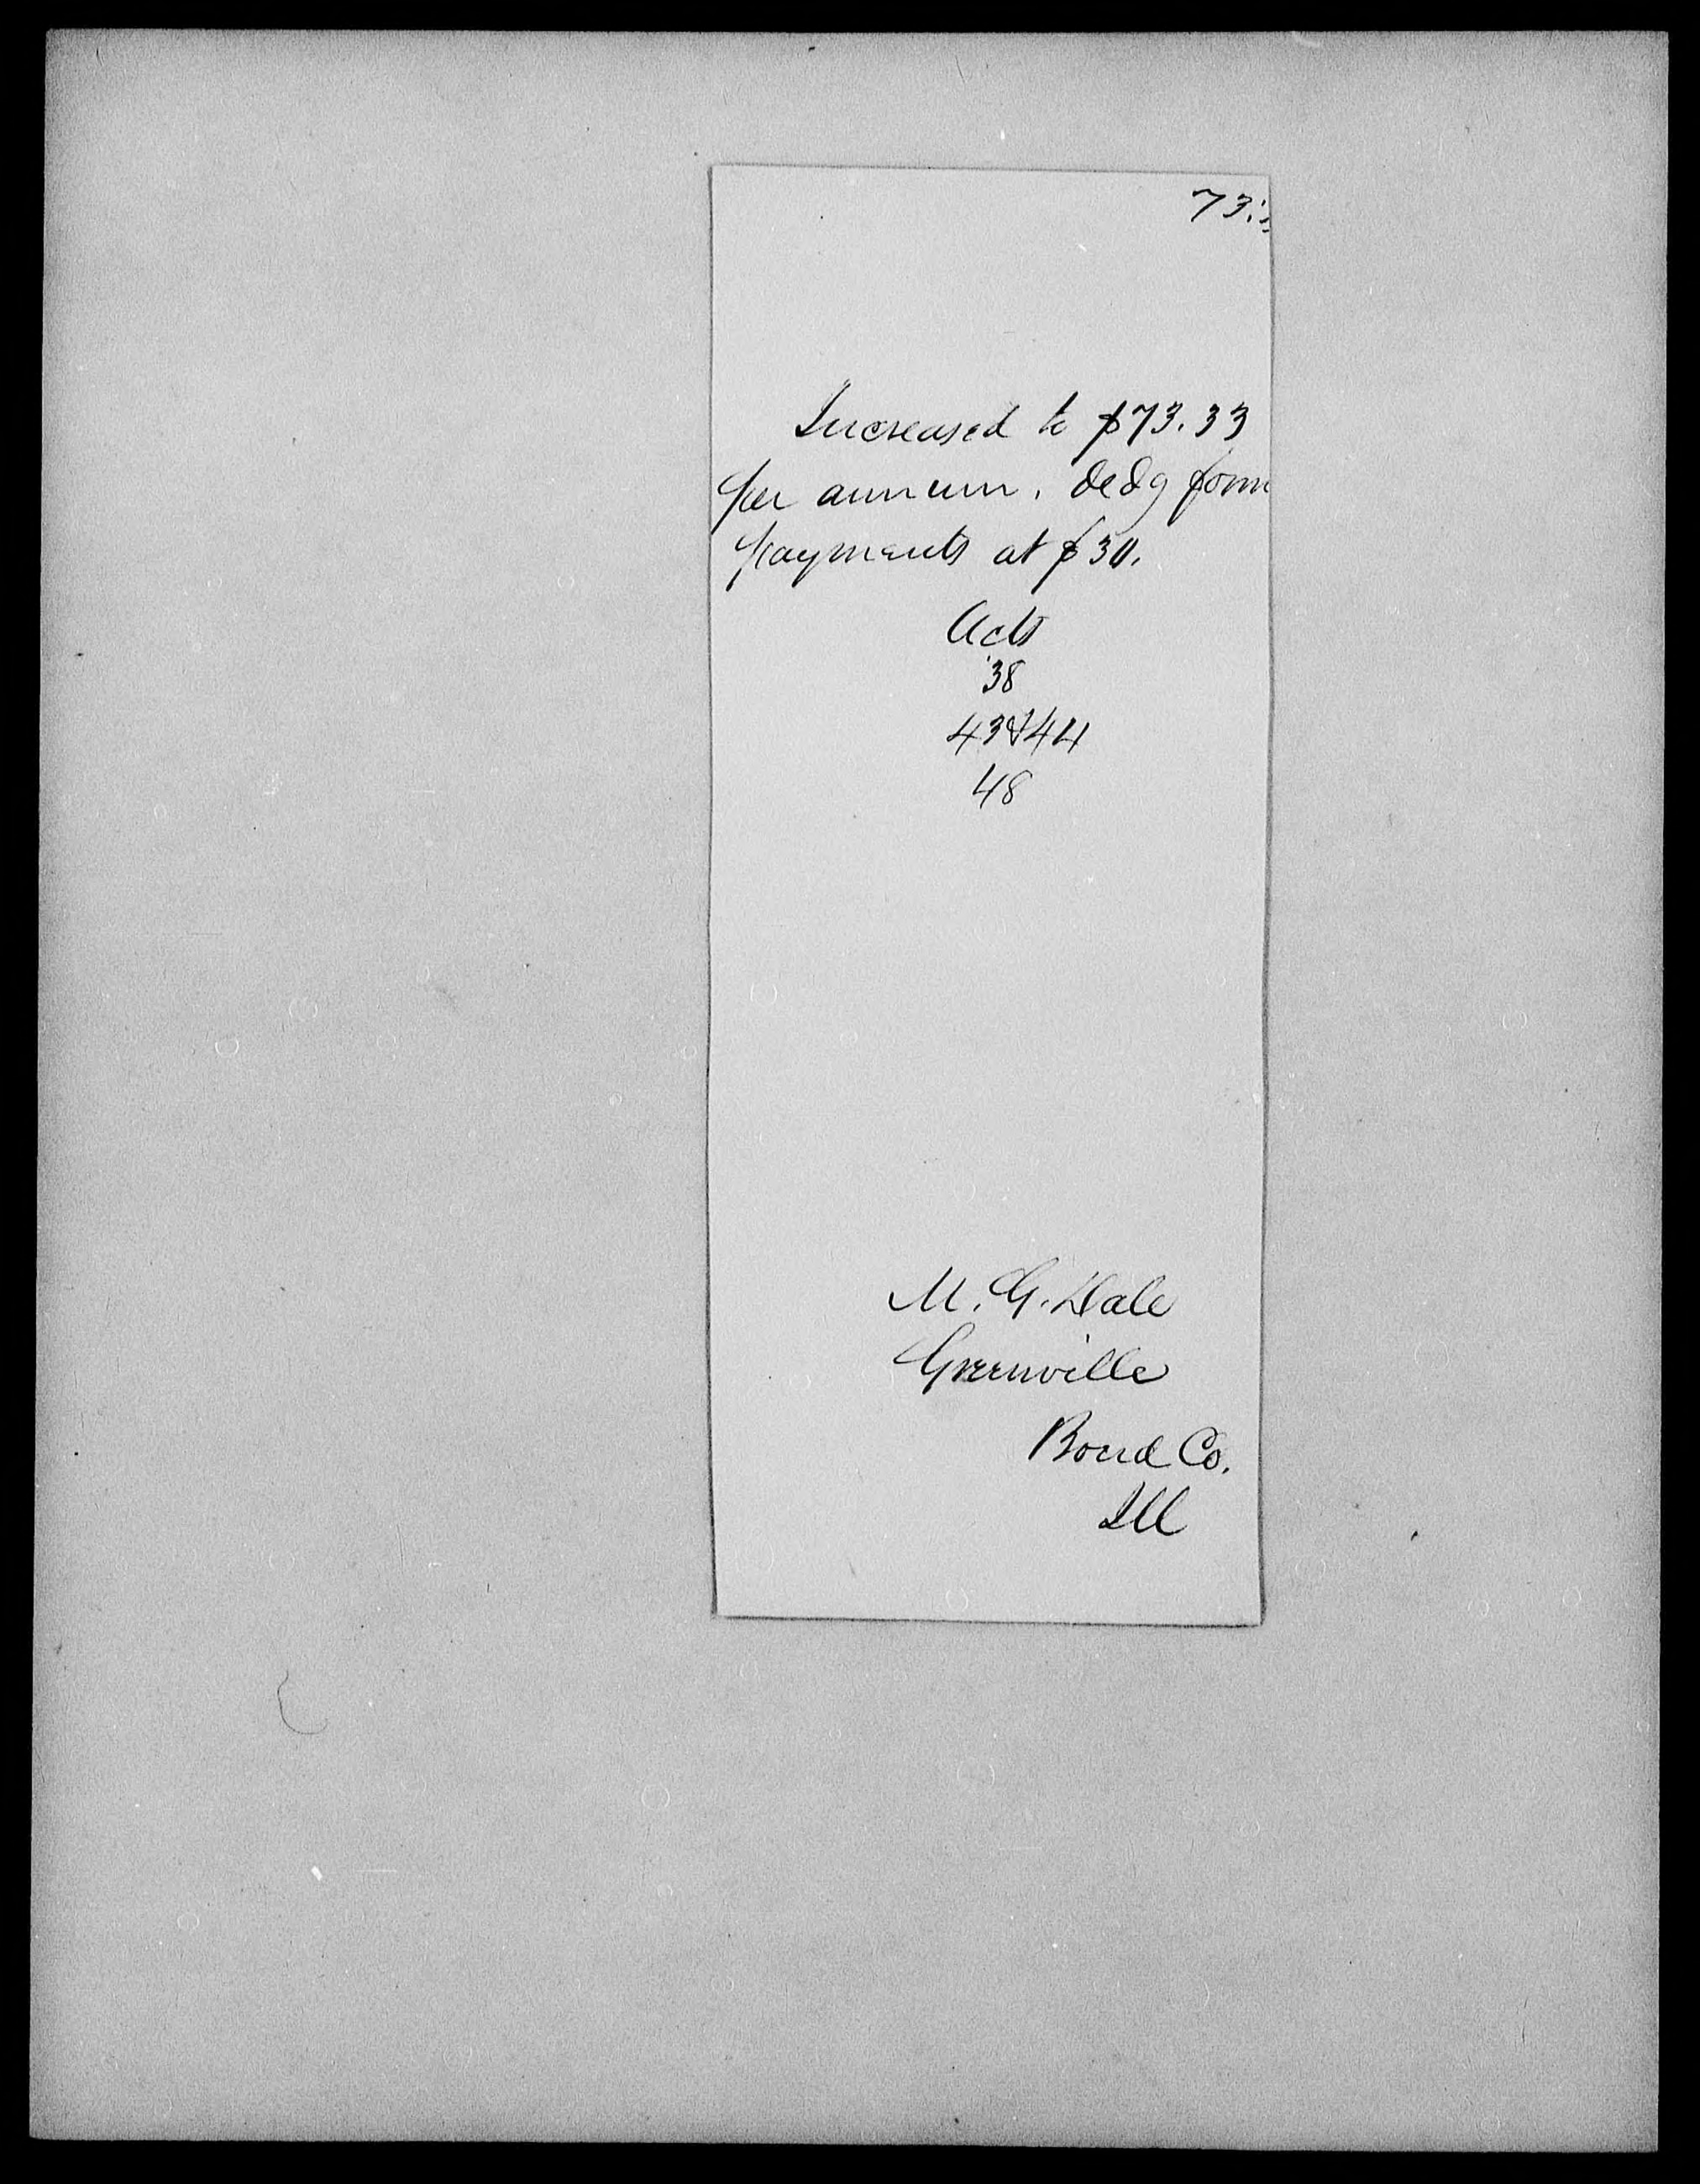73 
Increased to $73.33 per annum, dedg [deducting] from payments at $30.
Acts ‘38 43 & 44 48 

M. G. Dale Greenville Bond Co. Ill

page: 25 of 67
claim: widow's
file: W. 21793, for George Mc Lain, North Carolina